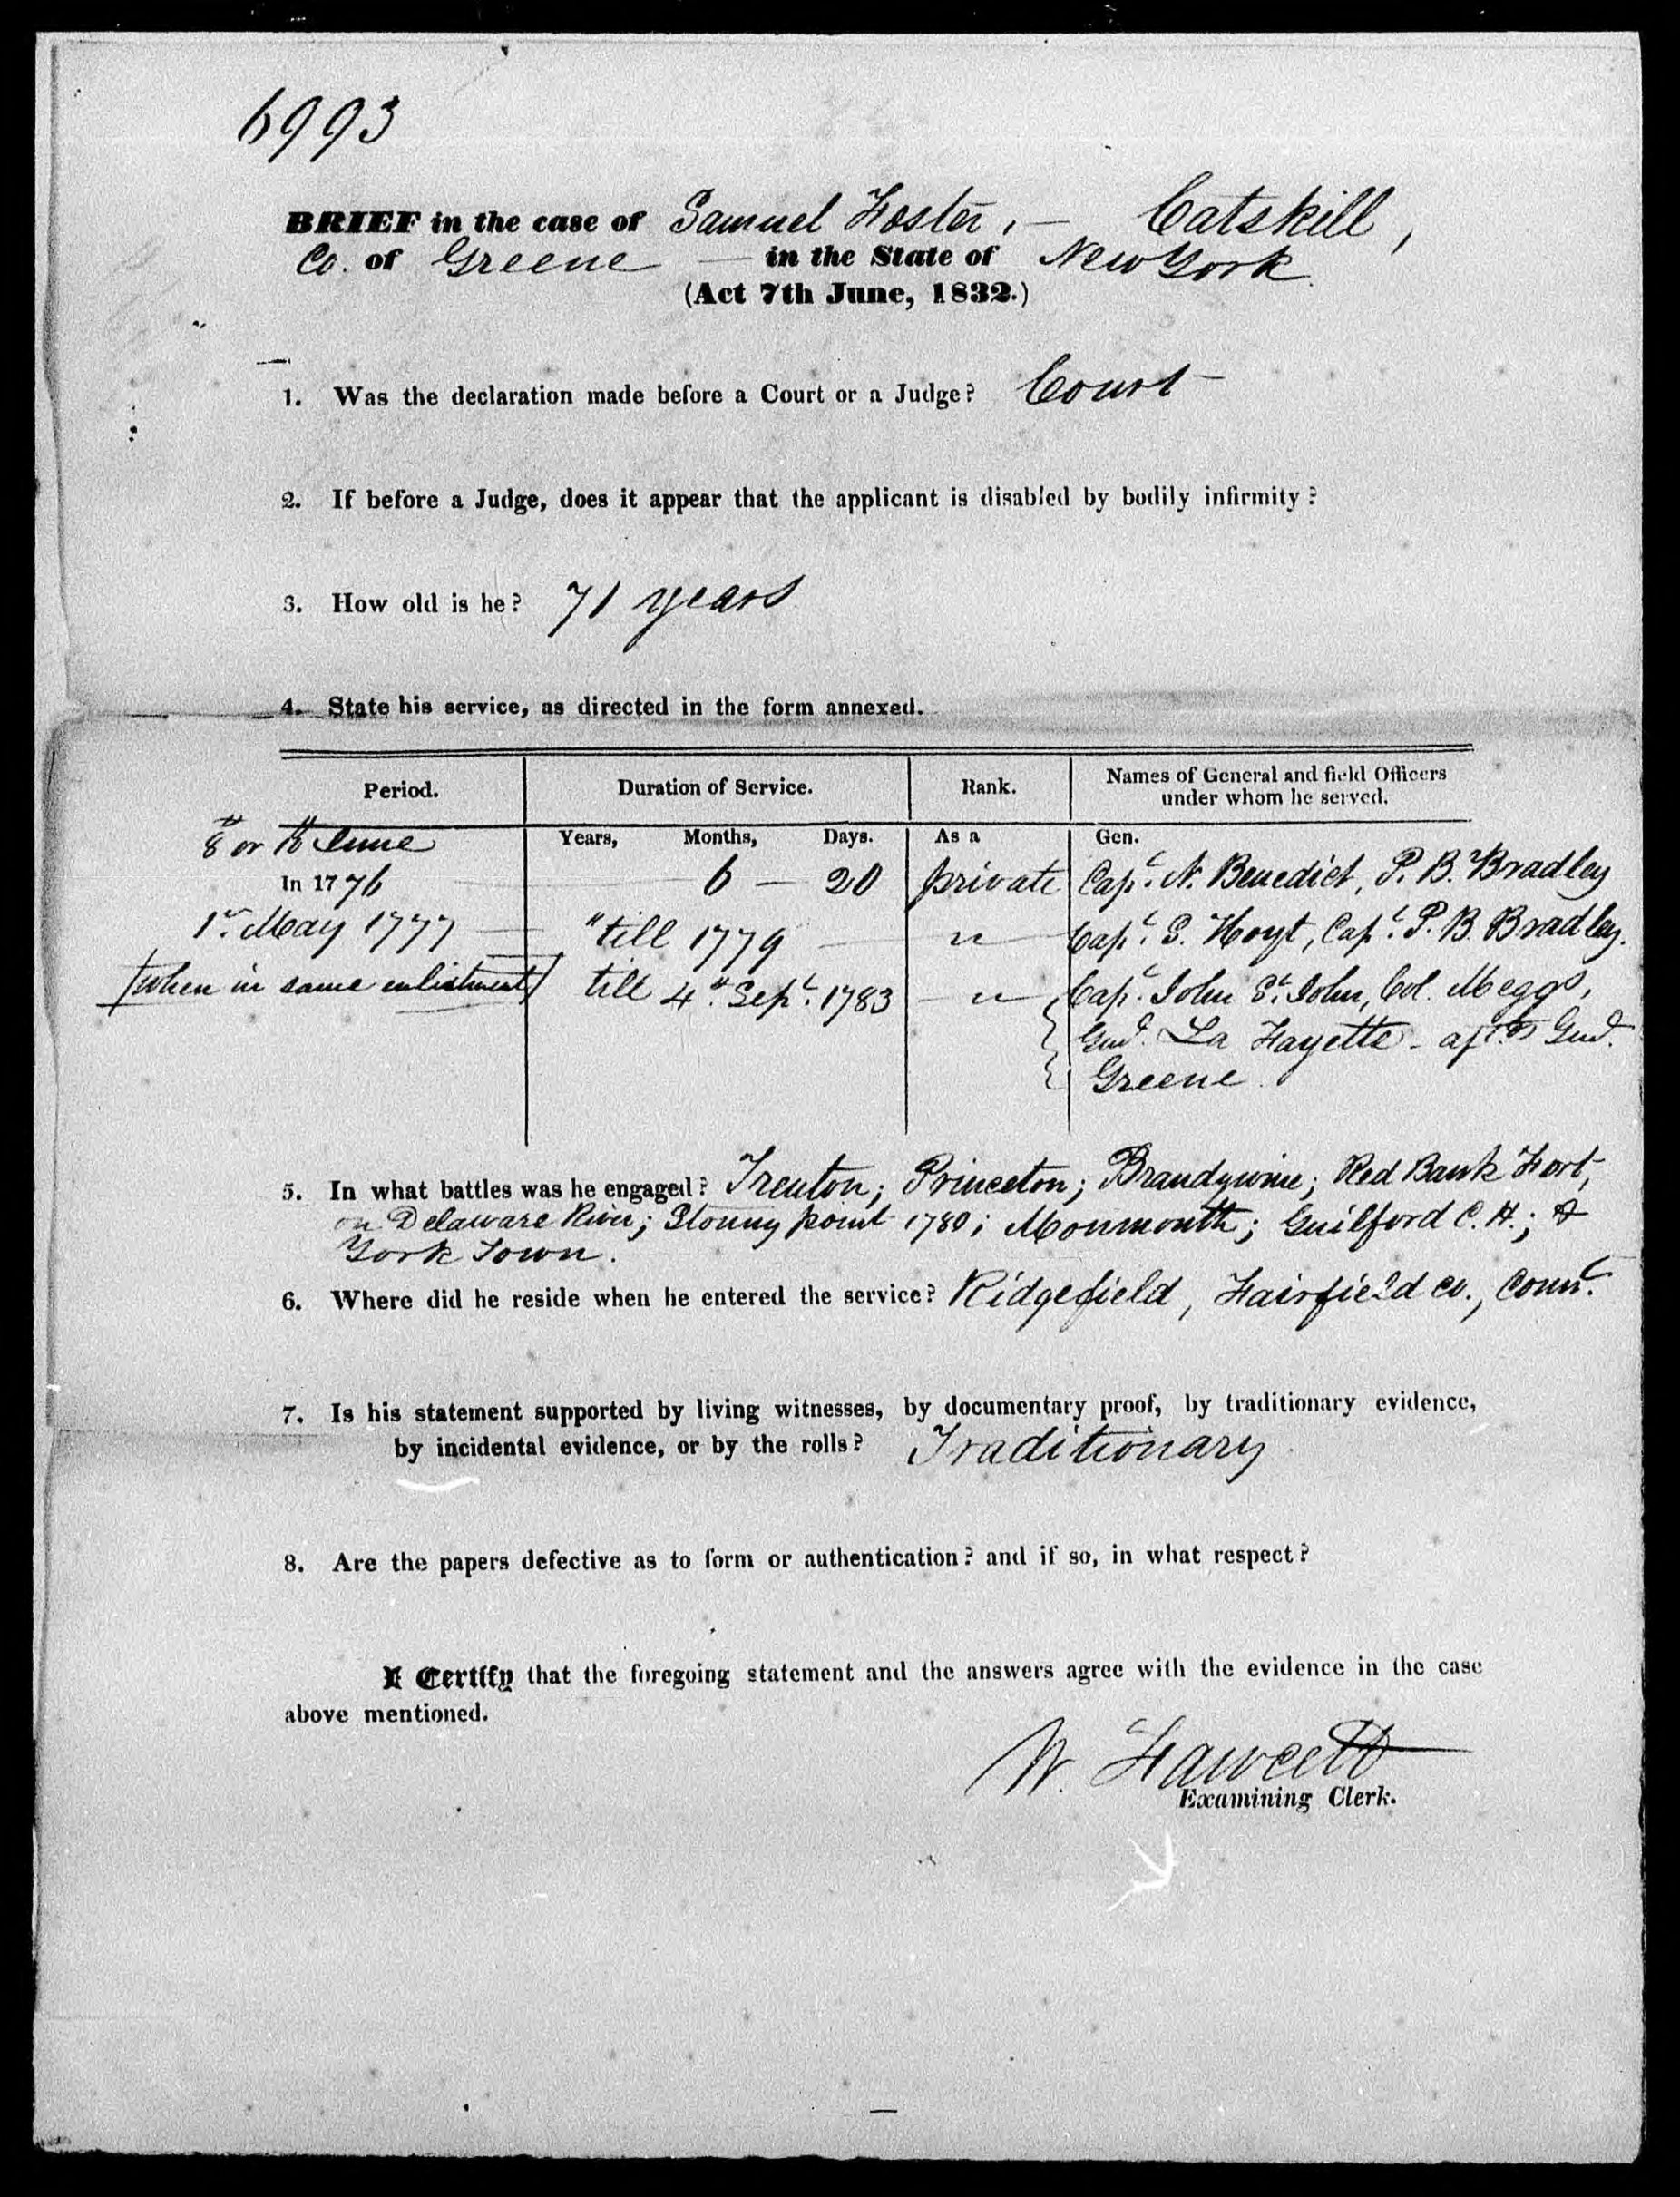6993
BRIEF in the case of Samuel Foster, Catskill, Co. of Greene in the State of New York
(Act 7th June, 1832.)
1. Was the declaration made before a Court of a Judge? Court
2. If before a Judge, does it appear that the applicant is disabled by bodily infirmity?
3. How old is he? 71 years
4. State his service, as directed in the form annexed.
Period.
8th or 10th June
In 1776
1. May 1777
when in same enlistment
Duration of Service.
Years, Months, Days.
-6-20
"till 1779
till 4th Sept. 1783
Rank.
As a 
private
Names of General and field Officers under whom he served.
Gen.
Capt. N. Benedict, P. B. Bradley
Capt. S. Hoyt, Catp. P. B. Bradley
Capt. John St. John, Col. Meggs
Genl. La Fayette _ aft. [illegible] Genl. Greene
In what battles was he engaged? Trenton; Princeton; Brandywine; Red Bank Fort, on Delaware River; Stonny point 1780; Monmouth; Guilford C. H.; & Yorktown.
Where did he reside when he entered the service? Ridgefield, Fairfield Co., Connt.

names: Samuel Foster, John St John, P B Bradley, S Hoyt, Greene, P B Bradley, W Fawcett, La Fayette, N Benedict, Meggs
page: 10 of 54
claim: survivor's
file: S. 13,043, Samuel Foster, Conn.